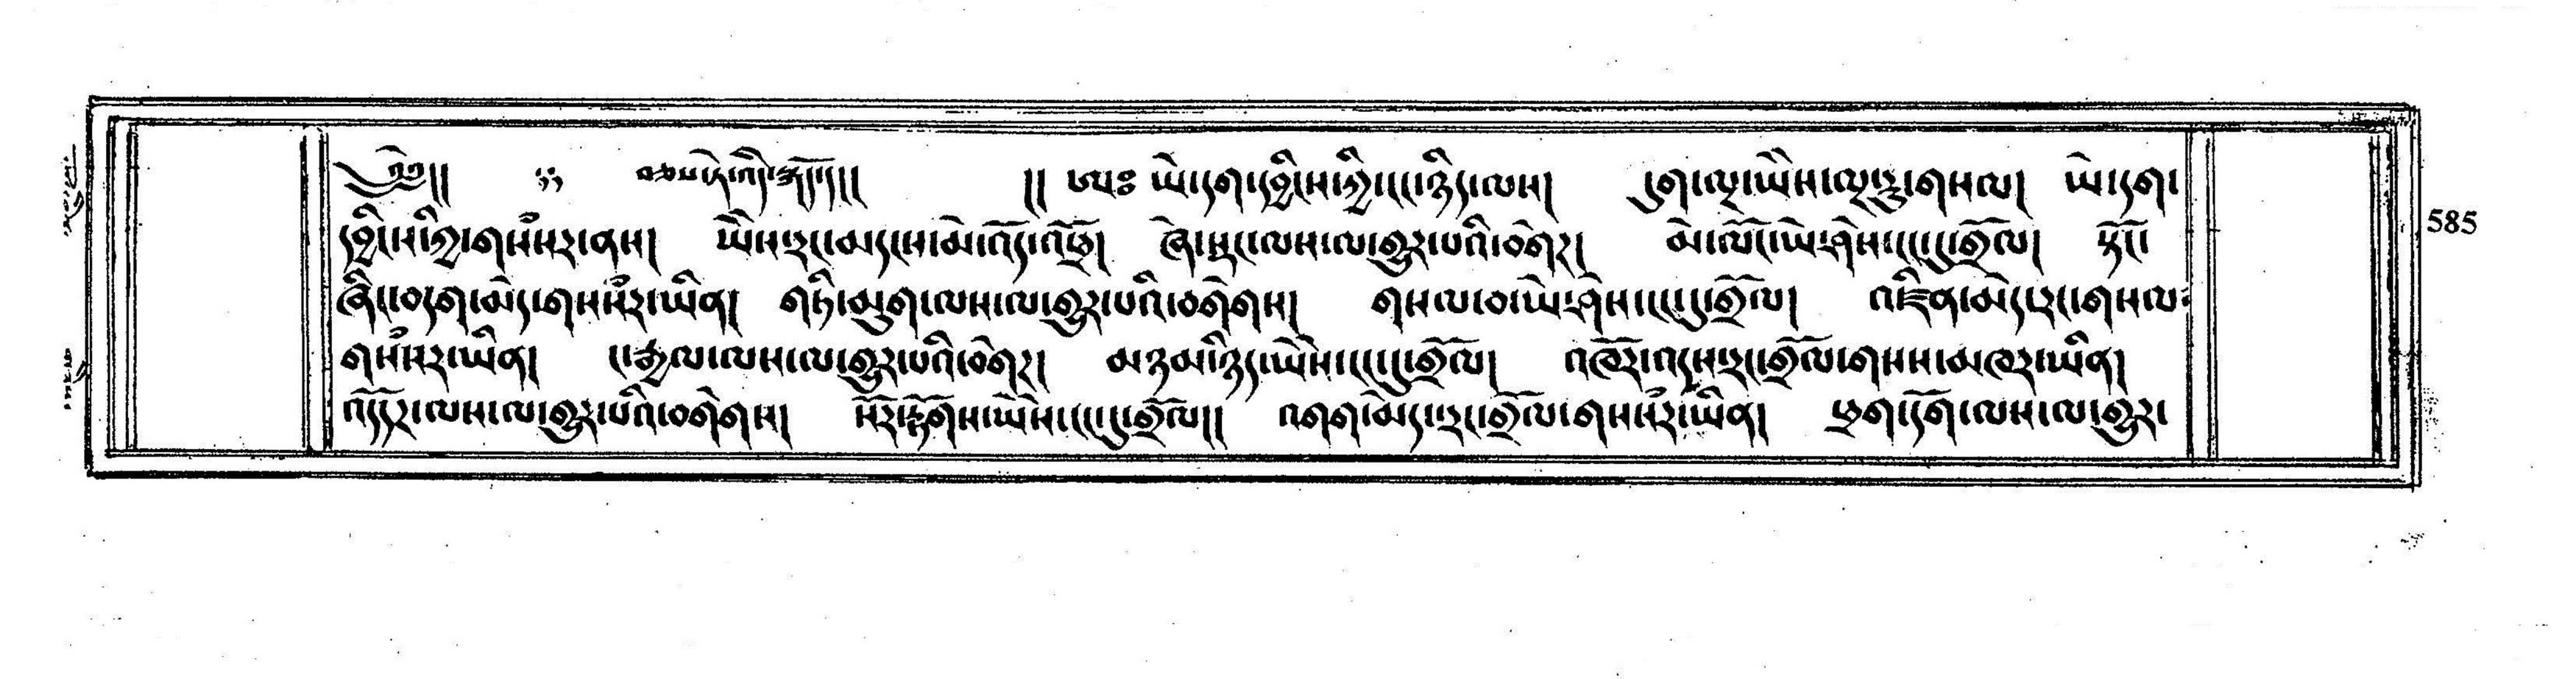བཅས་ཏེ་འདི་སྐད་དོ།། །།ཨཿ ཡེ་དག་དབྱིངས་ཀྱི་ངང་ཉིད་ལས། དུག་ལྔ་ཡེ་ཤེས་ལྔ་རུ་གསལ། ཡེ་དག་
དབྱིངས་ཀྱི་གསས་མཁར་ནས། ཡེ་ཤེས་རང་མདངས་མེ་འོད་འཕྲོ། ཞེ་སྡང་ལས་ལ་གྱུར་པའི་བགེགས། མེ་ལོང་ཡེ་ཤེས་ངང་དུ་གྲོལ། སྟོང་
ཞིང་བདག་མེད་གསས་མཁར་ཡིན། གཏི་མུག་ལས་ལ་གྱུར་པའི་བགེགས། གསལ་བ་ཡེ་ཤེས་ངང་དུ་གྲོལ། འཛིན་མེད་རང་གསལ་
གསས་མཁར་ཡིན། ང་རྒྱལ་ལས་ལ་གྱུར་པའི་བགེགས། མཉམ་ཉིད་ཡེ་ཤེས་ངང་དུ་གྲོལ། འཁོར་འདས་རང་གྲོལ་གསས་མཁར་ཡིན། 
འདོད་ཆགས་ལས་ལ་གྱུར་པའི་བགེགས། སོར་རྟོགས་ཡེ་ཤེས་ངང་དུ་གྲོལ།། འགག་མེད་རང་གྲོལ་གསས་མཁར་ཡིན། ཕྲག་དོག་ལས་ལ་གྱུར་